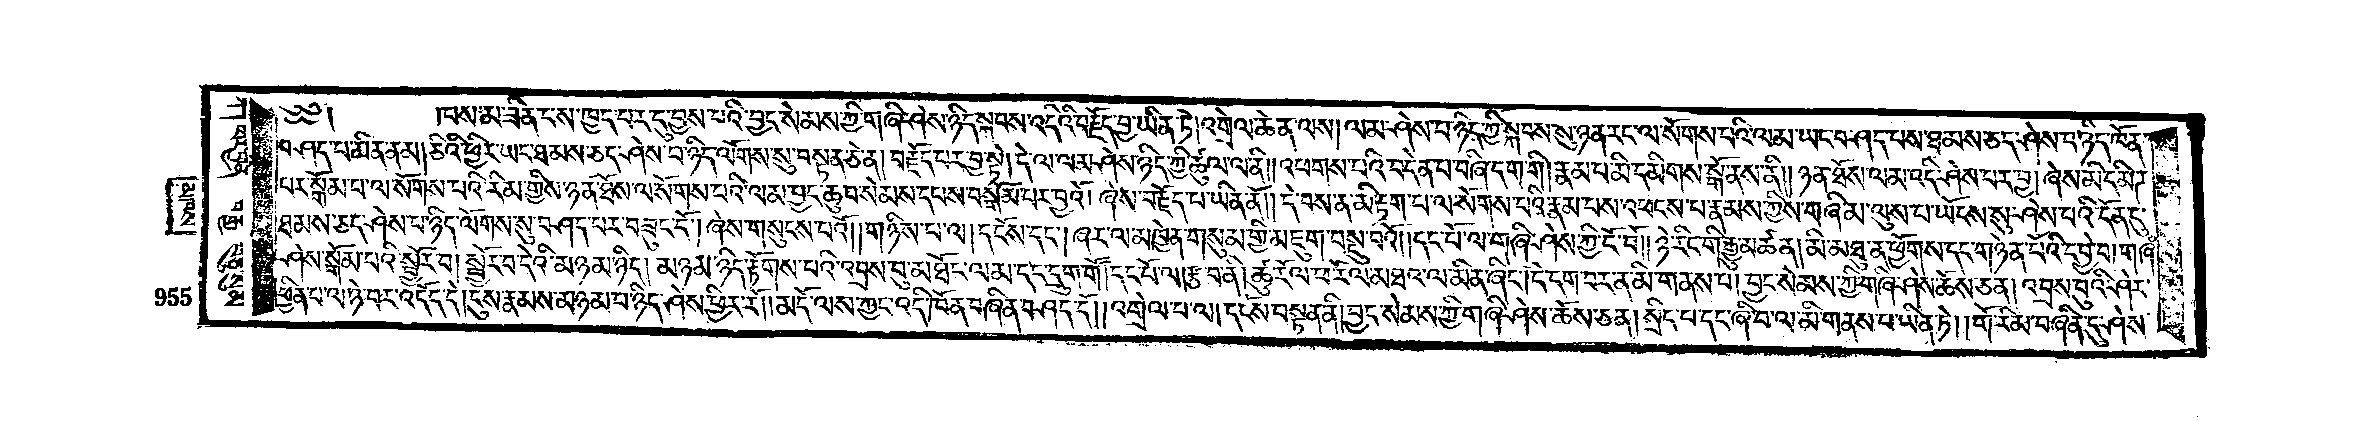༄༅། །པས་མ་ཟིན་པས་ཁྱད་པར་དུ་བྱས་པའི་བྱང་སེམས་ཀྱི་གཞི་ཤེས་ཉིད་སྐབས་འདིའི་བརྗོད་བྱ་ཡིན་ཏེ། འགྲེལ་ཆེན་ལས། ལམ་ཤེས་པ་ཉིད་ཀྱི་སྐབས་སུ་ཉན་རང་ལ་སོགས་པའི་ལམ་ཡང་བཤད་པས་ཐམས་ཅད་ཤེས་པ་ཉིད་ཁོ་ན་
བཤད་པ་མིན་ནམ། ཅིའི་ཕྱིར་ཡང་ཐམས་ཅད་ཤེས་པ་ཉིད་ལོགས་སུ་བསྟན་ཅེ་ན། བརྗོད་པར་བྱ་སྟེ། དེ་ལ་ལམ་ཤེས་ཉིད་ཀྱི་ཚུལ་ལ་ནི། །འཕགས་པའི་བདེན་པ་གཞི་དག་གི། །རྣམ་པ་མི་དམིགས་སྒོ་ནས་ནི། །ཉན་ཐོས་ལམ་འདི་ཤེས་པར་བྱ། ཞེས་མི་དམིགས་
པར་སྒོམ་པ་ལ་སོགས་པའི་རིམ་གྱིས་ཉན་ཐོས་ལ་སོགས་པའི་ལམ་བྱང་ཆུབ་སེམས་དཔས་བསྒོམ་པར་བྱའོ། ཞེས་བརྗོད་པ་ཡིན་ནོ། །དེ་བས་ན་མི་རྟག་པ་ལ་སོགས་པའི་རྣམ་པས་འཕངས་པ་རྣམས་ཀྱིས་གཞི་མ་ལུས་པ་ཡོངས་སུ་ཤེས་པའི་དོན་དུ་
ཐམས་ཅད་ཤེས་པ་ཉིད་ལོགས་སུ་བཤད་པར་བཟུང་ངོ། ཞེས་གསུངས་པའོ། །གཉིས་པ་ལ། དངོས་དང་། ཞར་ལ་མཁྱེན་གསུམ་གྱི་མཇུག་བསྡུ་བའོ། །དང་པོ་ལ་གཞི་ཤེས་ཀྱི་ངོ་བོ། །ཉེ་རིང་གི་རྒྱུ་མཚན། མི་མཐུན་ཕྱོགས་དང་གཉེན་པོའི་དབྱེ་བ། གཞི་
ཤེས་སྒོམ་པའི་སྦྱོར་བ། སྦྱོར་བ་དེའི་མཉམ་ཉིད། མཉམ་ཉིད་རྟོགས་པའི་འབྲས་བུ་མཐོང་ལམ་དང་དྲུག་གོ། །དང་པོ་ལ། རྩ་བ་ནི། ཚུ་རོལ་ཕ་རོལ་མཐའ་ལ་མིན་ཞིང་། དེ་དག་བར་ན་མི་གནས་པ། བྱང་སེམས་ཀྱི་གཞི་ཤེས་ཆོས་ཅན། འབྲས་བུའི་ཤེར་
ཕྱིན་པ་ལ་ཉེ་བར་འདོད་དེ། དུས་རྣམས་མཉམ་པ་ཉིད་ཤེས་ཕྱིར་རོ། །མདོ་ལས་ཀྱང་འདི་ཁོ་ན་བཞིན་བཤད་དོ། །འགྲེལ་བ་ལ། དངོས་བསྟན་ནི། བྱང་སེམས་ཀྱི་གཞི་ཤེས་ཆོས་ཅན། སྲིད་པ་དང་ཞི་བ་ལ་མི་གནས་པ་ཡིན་ཏེ། །གོ་རིམ་བཞིན་དུ་ཤེས་